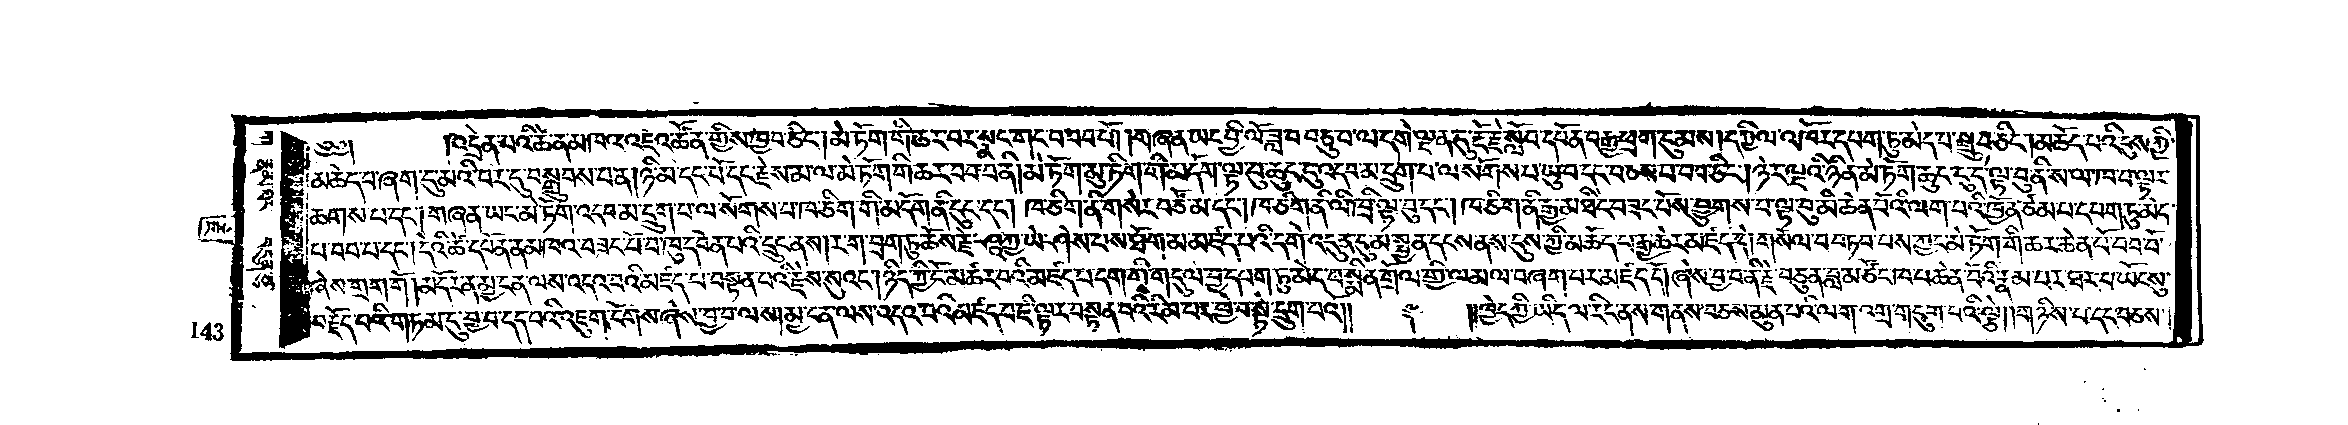༄༅། །འདྲེན་པའི་ཚེ་ན་མཁའ་འཛའ་ཚོན་གྱིས་ཁྱབ་ཅིང་། མེ་ཏོག་གི་ཆར་བར་སྣང་གང་བ་བབ་པོ། །གཞན་ཡང་བྱི་ལོ་ཟླ་བ་བཅུ་པ་ལ་དགེ་ལྡན་དུ་རྡོ་རྗེ་སློབ་དཔོན་བརྒྱ་ཕྲག་དུ་མས། དཀྱིལ་འཁོར་དཔག་ཏུ་མེད་པ་སྒྲུབ་ཅིང་། མཆོད་པའི་དུས་ཀྱི་
མཆེད་པ་ཞག་དུ་མའི་བར་དུ་བསྒྲུབས་པ་ན། ཉི་མ་དང་པོ་དང་རྗེས་མ་ལ་མེ་ཏོག་གི་ཆར་བབ་བ་ནི། མེ་ཏོག་མུ་ཏིག་གི་མདོག་ལྟ་བུ་ཆུང་ངུ་འདབ་མ་དྲུག་པ་ལ་སོགས་པ་ཡུ་བ་དང་བཅས་པ་བབ་ཅིང་། ཉེར་ལྔའི་ཉིན་མེ་ཏོག་ཆུང་ངུ་དེ་ལྟ་བུ་ནི་ས་ལ་ཁ་པ་ལྟར་
ཆགས་པ་དང་། གཞན་ཡང་མེ་ཏོག་འདབ་མ་དྲུག་པ་ལ་སོགས་པ་ཁ་ཅིག་གི་མདོག་ནི་དུང་དང་། ཁ་ཅིག་ནི་གསེར་བཙོ་མ་དང་། ཁ་ཅིག་ནི་ལི་ཁྲི་ལྟ་བུ་དང་། ཁ་ཅིག་ནི་རྒྱ་མཐིང་བཟང་པོས་བྱུགས་པ་ལྟ་བུ་མི་ཆེན་པོའི་ལག་པའི་ཁྱོན་ཙམ་པ་དཔ་པག་ཏུ་མེད་
པ་བབ་པ་དང་། དེའི་ཚེ་དཔོན་ནམ་མཁའ་བཟང་པོ་བ་ཁུ་དབེན་པའི་དྲུང་ནས། ར་ག་བྲག་ཏུ་ཆོས་རྗེ་ཤཱཀྱ་ཡེ་ཤེས་པས་ཐོག་མ་མཛད་པའི་དགེ་འདུན་དུ་མ་སྤྱན་དངས་ནས་དུས་ཀྱི་མཆོད་པ་རྒྱ་ཆེར་མཛད་དེ། གསོལ་བ་བཏབ་པས་ཀྱང་མེ་ཏོག་གི་ཆར་ཆེན་པོ་བབ་བོ་
ཞེས་གྲག་གོ །མདོར་ན་མྱ་ངན་ལས་འདའ་བའི་མཛད་པ་བསྟན་པའི་རྗེས་སུའང་། ཉིད་ཀྱི་ངོ་མཚར་བའི་མཛད་པ་དག་གིས་གདུལ་བྱ་དཔག་ཏུ་མེད་པ་སྨིན་གྲོལ་གྱི་ལམ་ལ་བཞག་པར་མཛད་དོ། ཞེས་བྱ་བ་ནི་རྗེ་བཙུན་བླ་མ་ཙོང་ཁ་པ་ཆེན་པོའི་རྣམ་པར་ཐར་པ་ཡོངས་སུ་
བརྗོད་པའི་གཏམ་དུ་བྱ་བ་དད་པའི་འཇུག་དོགས་ཞེས་བྱ་བ་ལས། མྱ་ངན་ལས་འདའ་བའི་མཛད་པ་ཇི་ལྟར་བསྟན་པའི་རིམ་པར་ཕྱེ་བ་སྟེ་དྲུག་པའོ།། ༈ །།ཁྱེད་ཀྱི་ཡིད་ལ་རིང་ནས་གནས་བཅས་མུན་པའི་ལག་འགྲ་གདུག་པའི་ལྕེ། །གཉིས་པ་དང་བཅས་